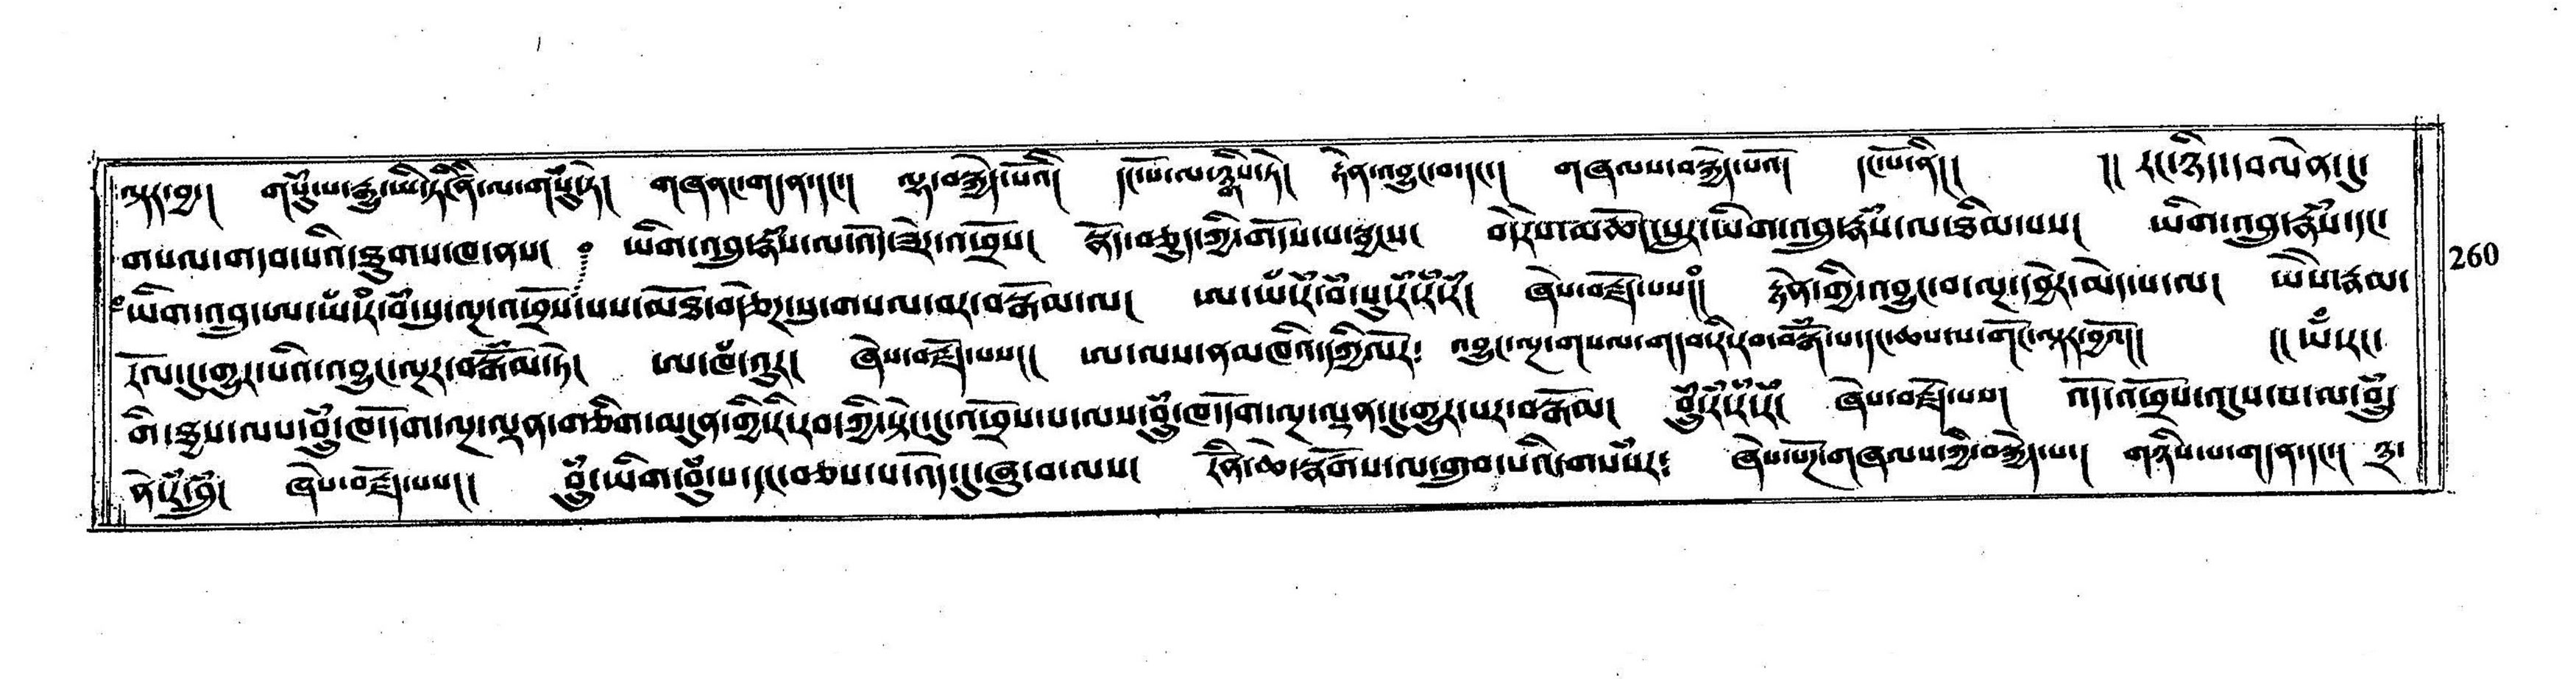ལྟར་བྱ།གསུམ་པ་རྒྱུ་ཡི་ཏིང་འཛིན་ལ་གསུམ་ཏེ། གཞན་ཡང་གདན་དང་། ལྷ་བསྐྱེད་པོའི། དང་པོ་ལ་གཉིས་ཏེ། རྟེན་འབྱུང་བ་དང་། གཞལ་ཡས་བསྐྱེད་པའོ། དང་པོ་ནི།། །།རང་ཉིད་དབལ་ཆེན་དུ་
གསལ་གདབ་པའི་ཐུགས་ཁ་ནས། ཡིག་འབྲུ་རྣམས་ལ་འོད་ཟེར་འཕྲོས། སྣོད་བཅུད་ཀྱི་གདོས་པ་སྦྱངས། བདེར་གཤེགས་མཆོད་སླར་ཡིག་འབྲུ་རྣམས་ལ་ཐིམ་པས། ཡིག་འབྲུ་རྣམས་དང་།
ཡིག་འབྲུ་ཨ་ཡཾ་རཾ་བཾ་པུ་ལྔ་འཕྲོས་པས་མཐོ་བརྩེགས་སུ་གསལ་བར་བསྒོམ་ལ། ཨ་ཡཾ་རཾ་བཾ་པུ་རཾ་རཾ་རཾ། ཞེས་བརྗོད་པས། རྟེན་གྱི་འབྱུང་བ་ལྔ་དབྱེར་མེད་པ་ལ། ཡེ་ཤེས་རྣམ་
རོལ་དུ་གྱུར་པའི་འབྱུང་ལྔར་བསྒོམ་ཏེ། ཨ་ཁཾ་འུར། ཞེས་བརྗོད་པས།། ཨ་ལས་ནམ་མཁའི་དཀྱིལ་འཁོར༴ འབྱུང་ལྔ་གསལ་གདབ་རི་རབ་བསྒོམ་པ་དང་ཆས་པ་གོང་ལྟར་བྱའོ།། །།ཡྃ་རང་
གི་ཐུགས་ལས་བྲུཾ་ཁ་དོག་ལྔ་ལྡན་གཅིག་མདུན་གྱི་རི་རབ་ཀྱི་སྟེང་དུ་འཕྲོས་པ་ལས་བྲུཾ་ཁ་དོག་ལྔ་ལྡན་དུ་གྱུར་པར་བསྒོམ། བྲུཾ་རཾ་རཾ་རཾ། ཞེས་བརྗོད་པས། འོད་འཕྲོས་འདུས་པ་ལ་བྲུཾ་
ནེ་རཾ་བྲུཾ། ཞེས་བརྗོད་པས།། བྲུཾ་ཡིག་བུམ་པ་དང་བཅས་པ་འོད་དུ་ཞུ་བ་ལས། རིན་པོ་ཆེ་སྣ་ཚོགས་ལ་གྲུབ་པའི་གསས་མཁར༴ ཞེས་སོགས་གཞལ་ཡས་ཀྱི་བསྐྱེད་པ། གཉིས་པ་གདན་དང་། གསུམ་